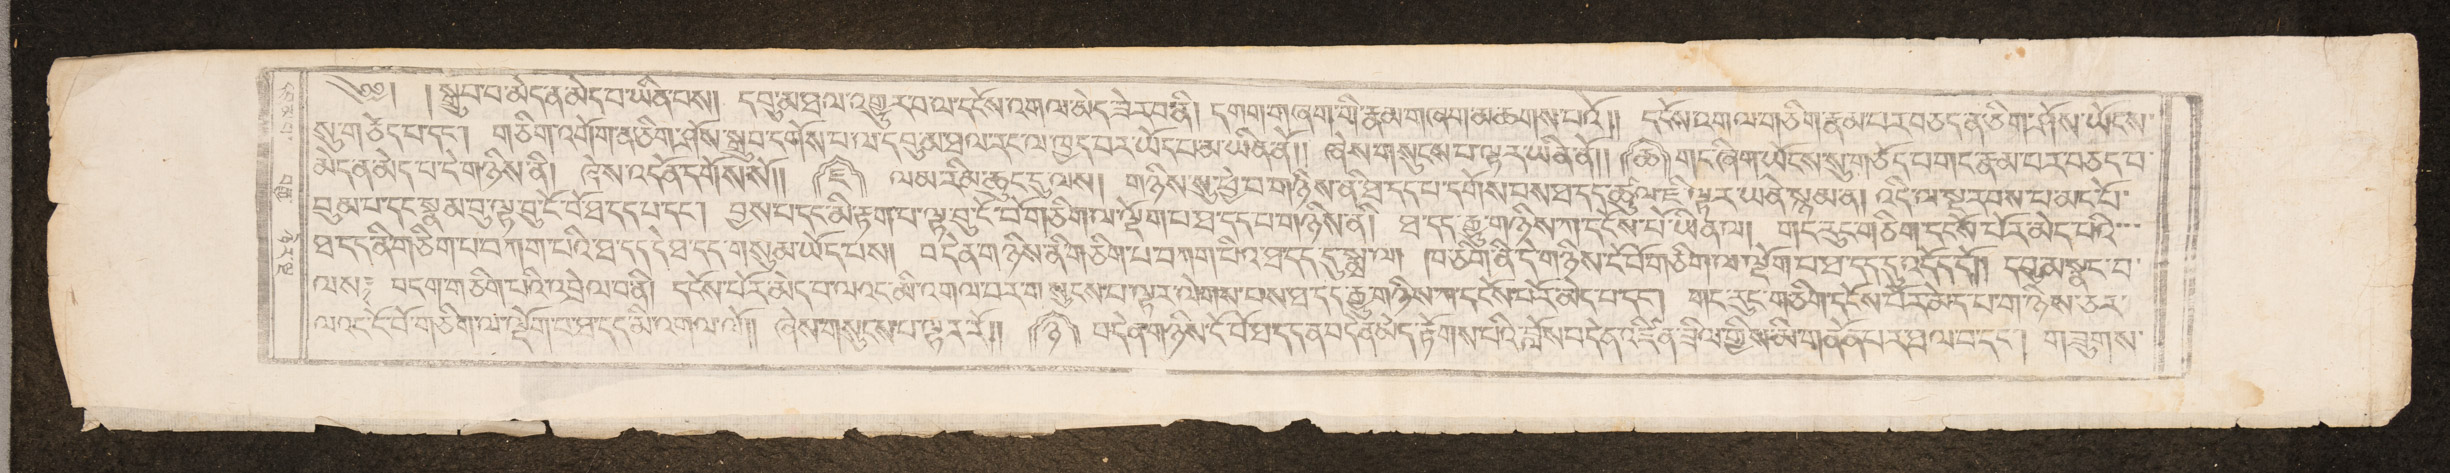༄༅། །སྒྲུབ་པ་མེད་ན་མེད་པ་ཡིན་པས། དབུ་མ་མཐལ་འགྱུར་བ་ལ་དངོས་འགལ་ལ་མེད་ཟེར་བ་ནི། དགག་གཞག་གི་རྣམ་གཞག་མ་ཆགས་པའོ།། དངོས་འགལ་གཅིག་རྣམ་པར་བཅད་ན་ཅིག་ཤོས་ཡོངས་
སུ་གཅོད་པ་དང་། གཅིག་འགོག་ན་ཅིག་ཤོས་སྒྲུབ་དགོས་པ་ལ་དབུ་མ་ཐལ་རང་ལ་ཁྱད་པར་ཡོད་པ་མ་ཡིན་ནོ།། ཞེས་གསུངས་པ་ལྟར་ཡིན་ནོ།། ༼༽ཆ༼༽ གང་ཞིག་ཡོངས་སུ་གཅོད་པ་གང་རྣམ་པར་བཅད་པ་
མེད་ན་མེད་པ་དེ་གཉིས་ནི། ཞེས་འདོན་དགོས་སོ།། ༼༽ཇ༼༽ ལམ་རིམ་ཆུང་དུ་ལས། གཉིས་སུ་ཕྱེ་བ་གཉིས་ནི་ཐ་དད་པ་དགོས་པས་ཐ་དད་ཚུལ་ཇི་ལྟར་ཡིན་སྙམ་ན། འདི་ལ་སྔ་རབས་པ་མང་པོ་
བུམ་པ་དང་སྣམ་བུ་ལྟ་བུ་ངོ་བོ་ཐ་དད་པ་དང་། བྱས་པ་དང་མི་རྟག་པ་ལྟ་བུ་ངོ་བོ་གཅིག་ལ་ལྡོག་པ་ཐ་དད་པ་གཉིས་ནི། ཐ་དད་རྒྱུ་གཉིས་ཀ་དངོས་པོ་ཡིན་ལ། གང་རུང་གཅིག་དངོས་པོར་མེད་པའི་
ཐ་དད་ནི་གཅིག་པ་བཀག་པའི་ཐ་དད་དེ་ཐ་དད་གསུམ་ཡོད་པས། བདེན་གཉིས་ནི་གཅིག་པ་བཀག་པའི་ཐ་དད་དུ་སྨྲ་ལ། ཁ་ཅིག་ནི་དེ་གཉིས་ངོ་བོ་གཅིག་ལ་ལྡོག་པ་ཐ་དད་དུ་འདོད་དོ། དབུ་མ་སྣང་བ་
ལས༑ བདག་གཅིག་པའི་འབྲེལ་བ་ནི། དངོས་པོར་མེད་པ་ལའང་མི་འགལ་བར་གསུངས་པ་ལྟར་ལེགས་པས་ཐ་དད་རྒྱུ་གཉིས་ཀ་དངོས་པོར་མེད་པ་དང་། གང་རུང་གི་གཅིག་དངོས་པོར་མེད་པ་གཉིད་ཅར་
ལའང་ངོ་བོ་གཅིག་ལ་ལྡོག་པ་ཐ་དད་མི་འགལ་ལོ། །ཞེས་གསུངས་པ་ལྟར་རོ།། ༼༽ཉ༼༽ བདེན་གཉིས་ངོ་བོ་ཐ་དད་ན་བདེན་མེད་རྟོགས་པའི་བློས་བདེན་འཛིན་ཟིལ་གྱིས་གནོན་པར་ཐ་བ་ཨ་དང་། གཟུགས་